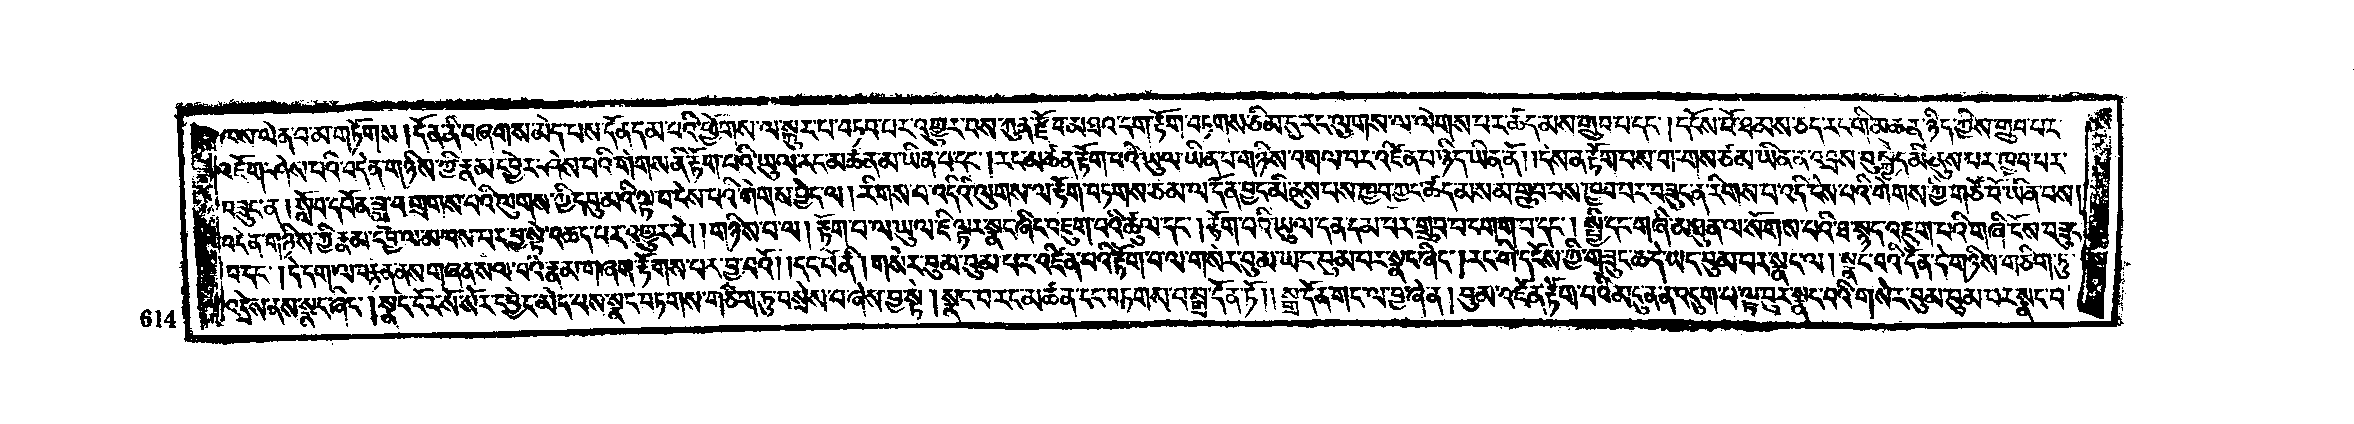ཁས་ལེན་པ་མ་གཏོགས། དོན་ནི་བཞགས་མེ་དཔས་དོན་དམ་པའི་ཕྱོགས་ལ་སྐུར་པ་བཏབ་པར་འགྱུར་བས་ཀུན་རྫོབ་མཐའ་དག་རྟོག་བཏགས་ཅིམ་དུ་རང་ལུགས་ལ་ལེགས་པར་ཚད་མས་གྲུབ་པ་དང་། དངོས་པོ་ཐམས་ཅད་རང་གི་མཚན་ཉིད་ཀྱིས་གྲུབ་པར་
འཇིག་ཤེས་པའི་བདེན་གཉིས་ཀྱི་རྣམ་དབྱེར་ཤེས་པའི་གོགས་ནི་རྟོགས་པའི་ཡུལ་རང་མཚན་མ་ཡིན་པ་དང་། རང་མཚན་རྟོག་པའི་ཡུལ་ཡིན་པ་གཉིས་འགལ་བར་འཛིན་པ་ཉིད་ཡིན་ནོ། །དེས་ན་རྟོག་པས་ག་གས་ཙམ་ཡིན་ན་འབྲས་བུ་སྐྱེད་མི་ནུས་པར་ཁྱབ་པར་
བཟུང་ན། སློབ་དཔོན་ཟླ་བ་གྲགས་པའི་ལུགས་ཀྱི་དབུ་མའི་ལྟ་བ་ངེས་པའི་གེགས་བྱེད་ལ། རིགས་པ་འདིའི་ལུགས་ལ་རྟོག་བཏགས་ཙམ་ལ་དོན་བྱད་མི་ནུས་པས་ཁྱབ་ཀྱང་ཚད་མས་མ་གྲུབ་པས་ཁྱབ་པར་བཟུང་ན་རིགས་པ་འདའི་ངེས་པའི་གེགས་ཀྱི་གཙོ་བོ་ཡིན་པས།
བདེན་གཉིས་ཀྱི་རྣམ་དབྱེ་ལ་མཁས་པར་བྱ་སྟེ་འཆད་པར་འགྱུར་རོ། །གཉིས་པ་ལ། རྟོག་ཨ་ཨ་ཡུལ་ཇི་ལྟར་སྣང་བཞིང་འཇུག་པའི་ཚུལ་དང་། རྟོག་པའི་ཡུལ་དོན་དམ་པར་གྲུབ་པ་དགག་པ་དང་། སྤྱི་དང་གཞི་མཐུན་ལ་སོགས་པའི་ཐ་སྙད་འུག་པའི་གཞི་ངོས་བཟུང་
བ་དང་། དེ་དག་ལ་བརྟེན་ནས་གཞན་སལ་བའི་རྣམ་གཞག་རྟོགས་པར་བྱ་བྱའོ། །དང་པོ་ནི། གསེར་བུམ་བུམ་པར་འཛིན་པའི་རྟོག་པ་ལ་གསེར་བུམ་ཡང་བུམ་པར་སྣང་ཞིང་། རང་གི་དངོས་ཀྱི་གཟུང་ཆ་དེ་ཡང་བུམ་པར་སྣང་ལ། སྣང་བའི་དོན་དེ་གཉིས་གཅིག་ཏུ་
འདྲེས་ནས་སྣང་ཞིང་། སྣང་ངོར་སོ་སོར་དབྱེང་མེད་པས་སྣང་བཏགས་གཅིག་ཏུ་བསྲེས་པ་ཞེས་བྱ་སྟེ། སྣང་བ་རང་མཚན་དང་བཏགས་པ་སྒྲ་དོན་ཏོ། །སྒྲ་དོན་གང་ལ་བྱ་ཞེ་ན། བུམ་འཛིན་རྟོག་པའི་མདུནན་འདུག་པ་ལྟ་བུར་སྣང་བའི་གསེར་བུམ་བུམ་པར་སྣང་བ་